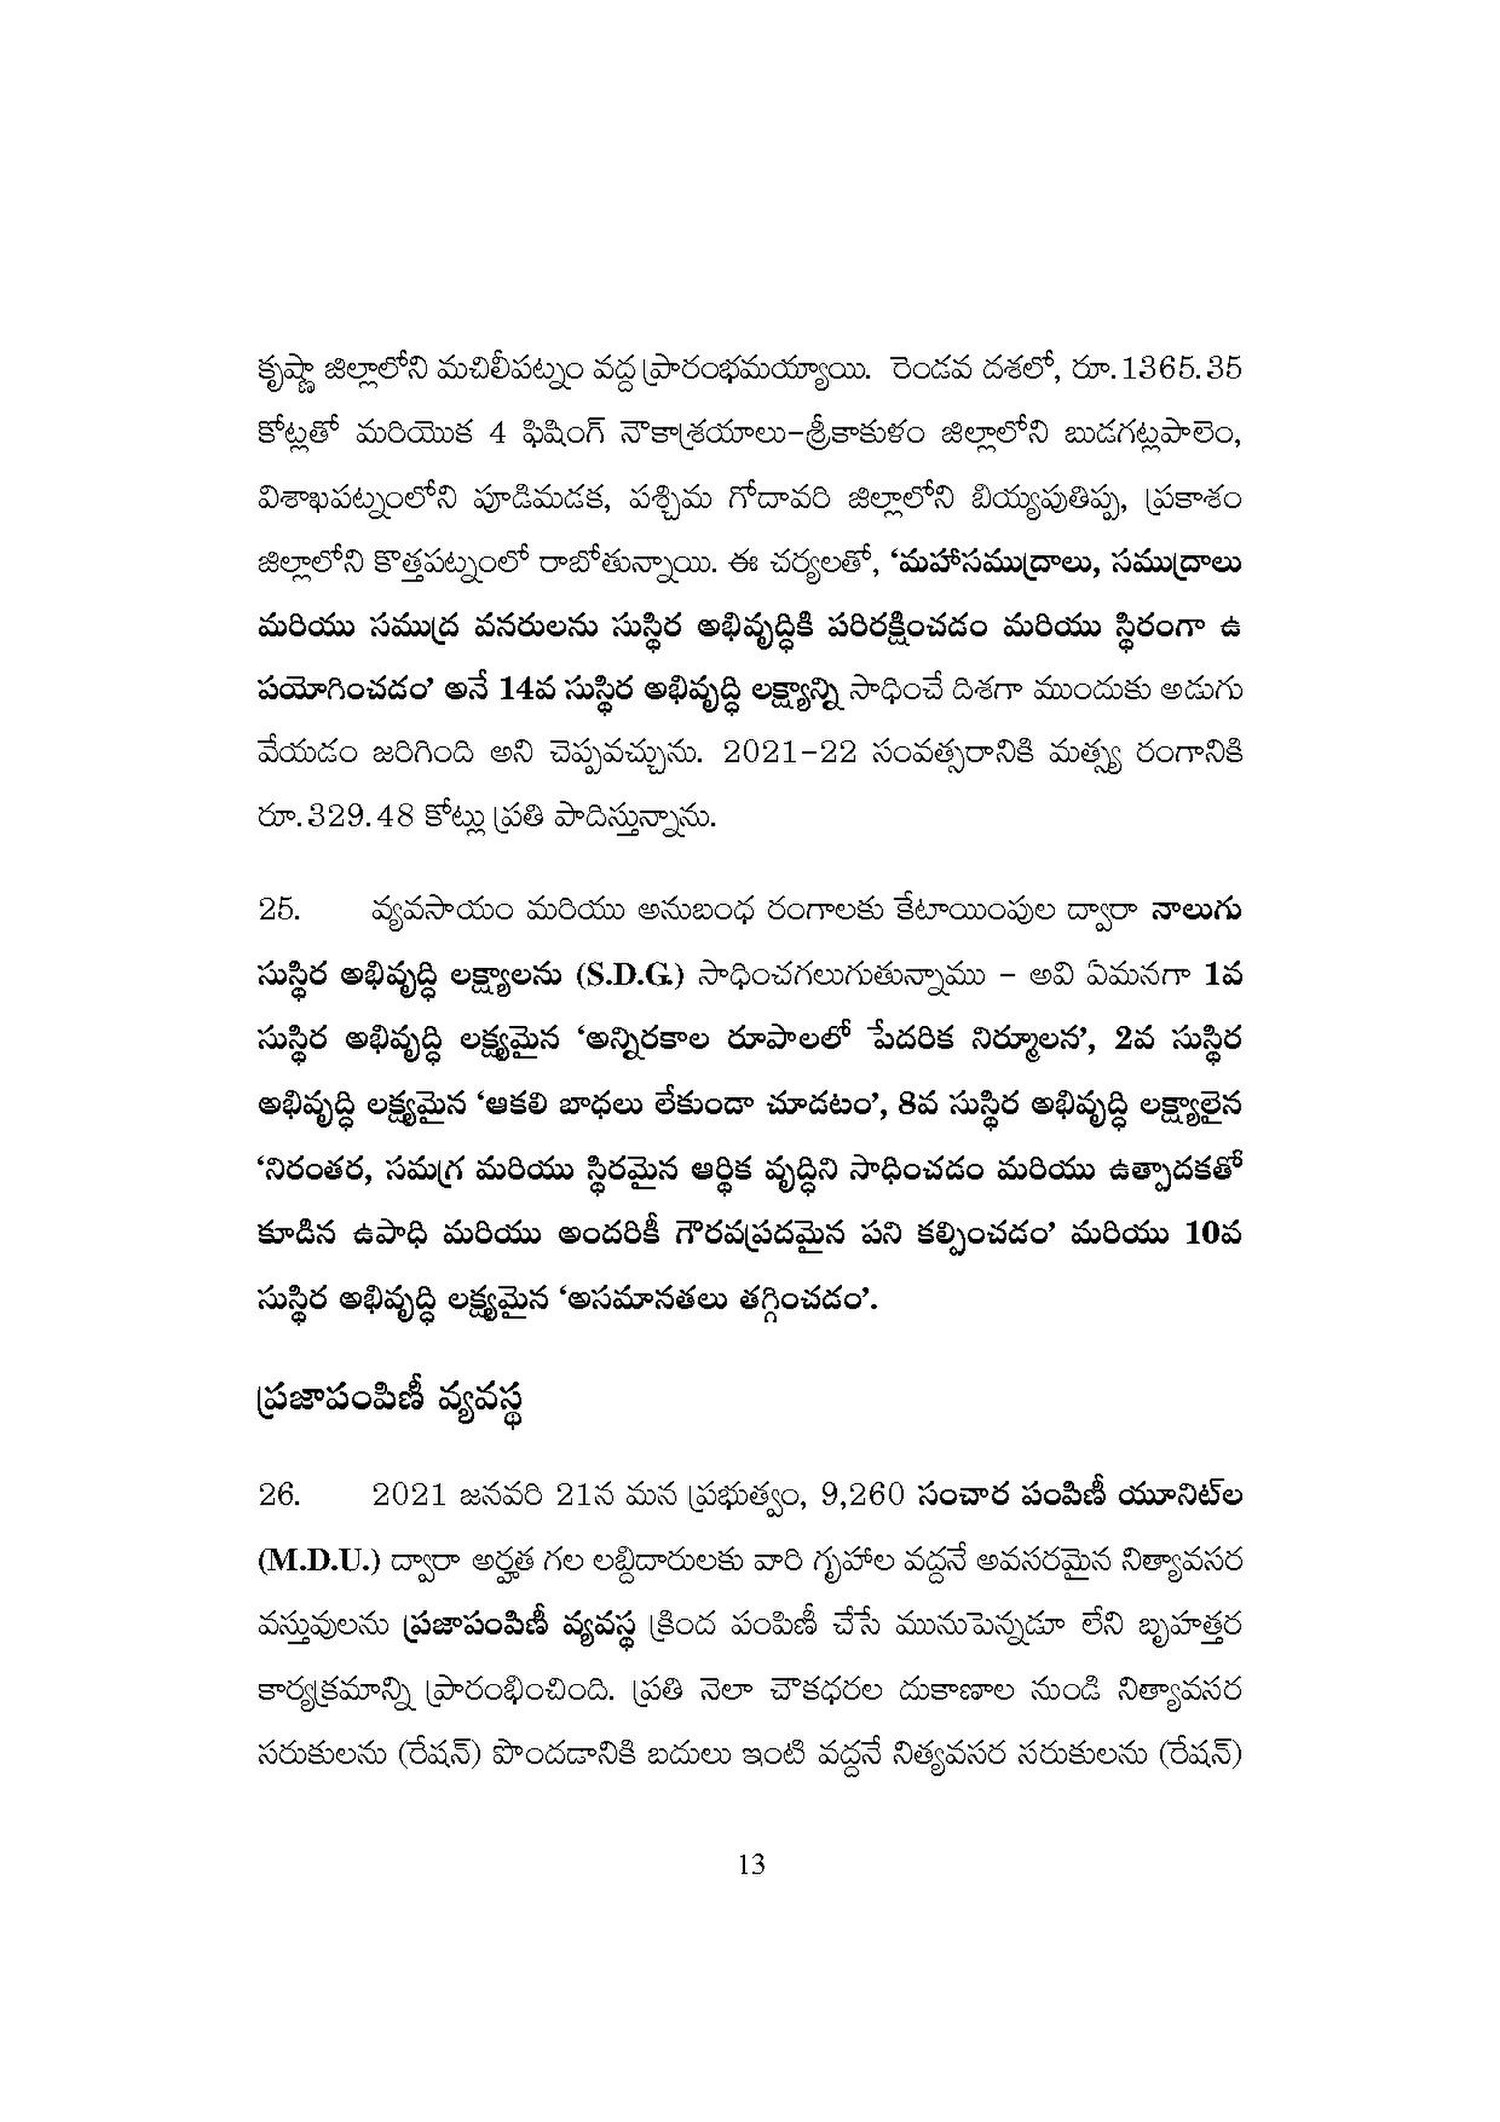కృష్ణా జిల్లాలోని మచిలీపట్నం వద్ద ప్రారంభమయ్యాయి. రెండవ దశలో, రూ. 1365.35
కోట్లతో మరియొక 4 ఫిషింగ్ నౌకాశ్రయాలు-శ్రీకాకుళం జిల్లాలోని బుడగట్లపాలెం,
విశాఖపట్నంలోని పూడిమడక, పశ్చిమ గోదావరి జిల్లాలోని బియ్యపుతిప్ప, ప్రకాశం
జిల్లాలోని కొత్తపట్నంలో రాబోతున్నాయి. ఈ చర్యలతో, 'మహాసముద్రాలు, సముద్రాలు
మరియు సముద్ర వనరులను సుస్థిర అభివృద్ధికి పరిరక్షించడం మరియు స్థిరంగా ఉ
పయోగించడం' అనే 14వ సుస్థిర అభివృద్ధి లక్ష్యాన్ని సాధించే దిశగా ముందుకు అడుగు
వేయడం జరిగింది అని చెప్పవచ్చును. 2021-22 సంవత్సరానికి మత్స్య రంగానికి
రూ. 329.48 కోట్లు ప్రతి పాదిస్తున్నాను.

25. వ్యవసాయం మరియు అనుబంధ రంగాలకు కేటాయింపుల ద్వారా నాలుగు
సుస్థిర అభివృద్ధి లక్ష్యాలను (S.D.G) సాధించగలుగుతున్నాము - అవి ఏమనగా 1వ
సుస్థిర అభివృద్ధి లక్ష్యమైన 'అన్నిరకాల రూపాలలో పేదరిక నిర్మూలన', 2వ సుస్థిర
అభివృద్ధి లక్ష్యమైన 'ఆకలి బాధలు లేకుండా చూడటం', 8వ సుస్థిర అభివృద్ధి లక్ష్యాలైన
'నిరంతర, సమగ్ర మరియు స్థిరమైన ఆర్థిక వృద్ధిని సాధించడం మరియు ఉత్పాదకతో
కూడిన ఉపాధి మరియు అందరికీ గౌరవప్రదమైన పని కల్పించడం' మరియు 10వ
సుస్థిర అభివృద్ధి లక్ష్యమైన 'అసమానతలు తగ్గించడం'.

ప్రజాపంపిణీ వ్యవస్థ

26. 2021 జనవరి 21న మన ప్రభుత్వం, 9,260 సంచార పంపిణీ యూనిట్ల
(M.D.U.) ద్వారా అర్హత గల లబ్దిదారులకు వారి గృహాల వద్దనే అవసరమైన నిత్యావసర
వస్తువులను ప్రజాపంపిణీ వ్యవస్థ క్రింద పంపిణీ చేసే మునుపెన్నడూ లేని బృహత్తర
కార్యక్రమాన్ని ప్రారంభించింది. ప్రతి నెలా చౌకధరల దుకాణాల నుండి నిత్యావసర
సరుకులను (రేషన్) పొందడానికి బదులు ఇంటి వద్దనే నిత్యవసర సరుకులను (రేషన్)